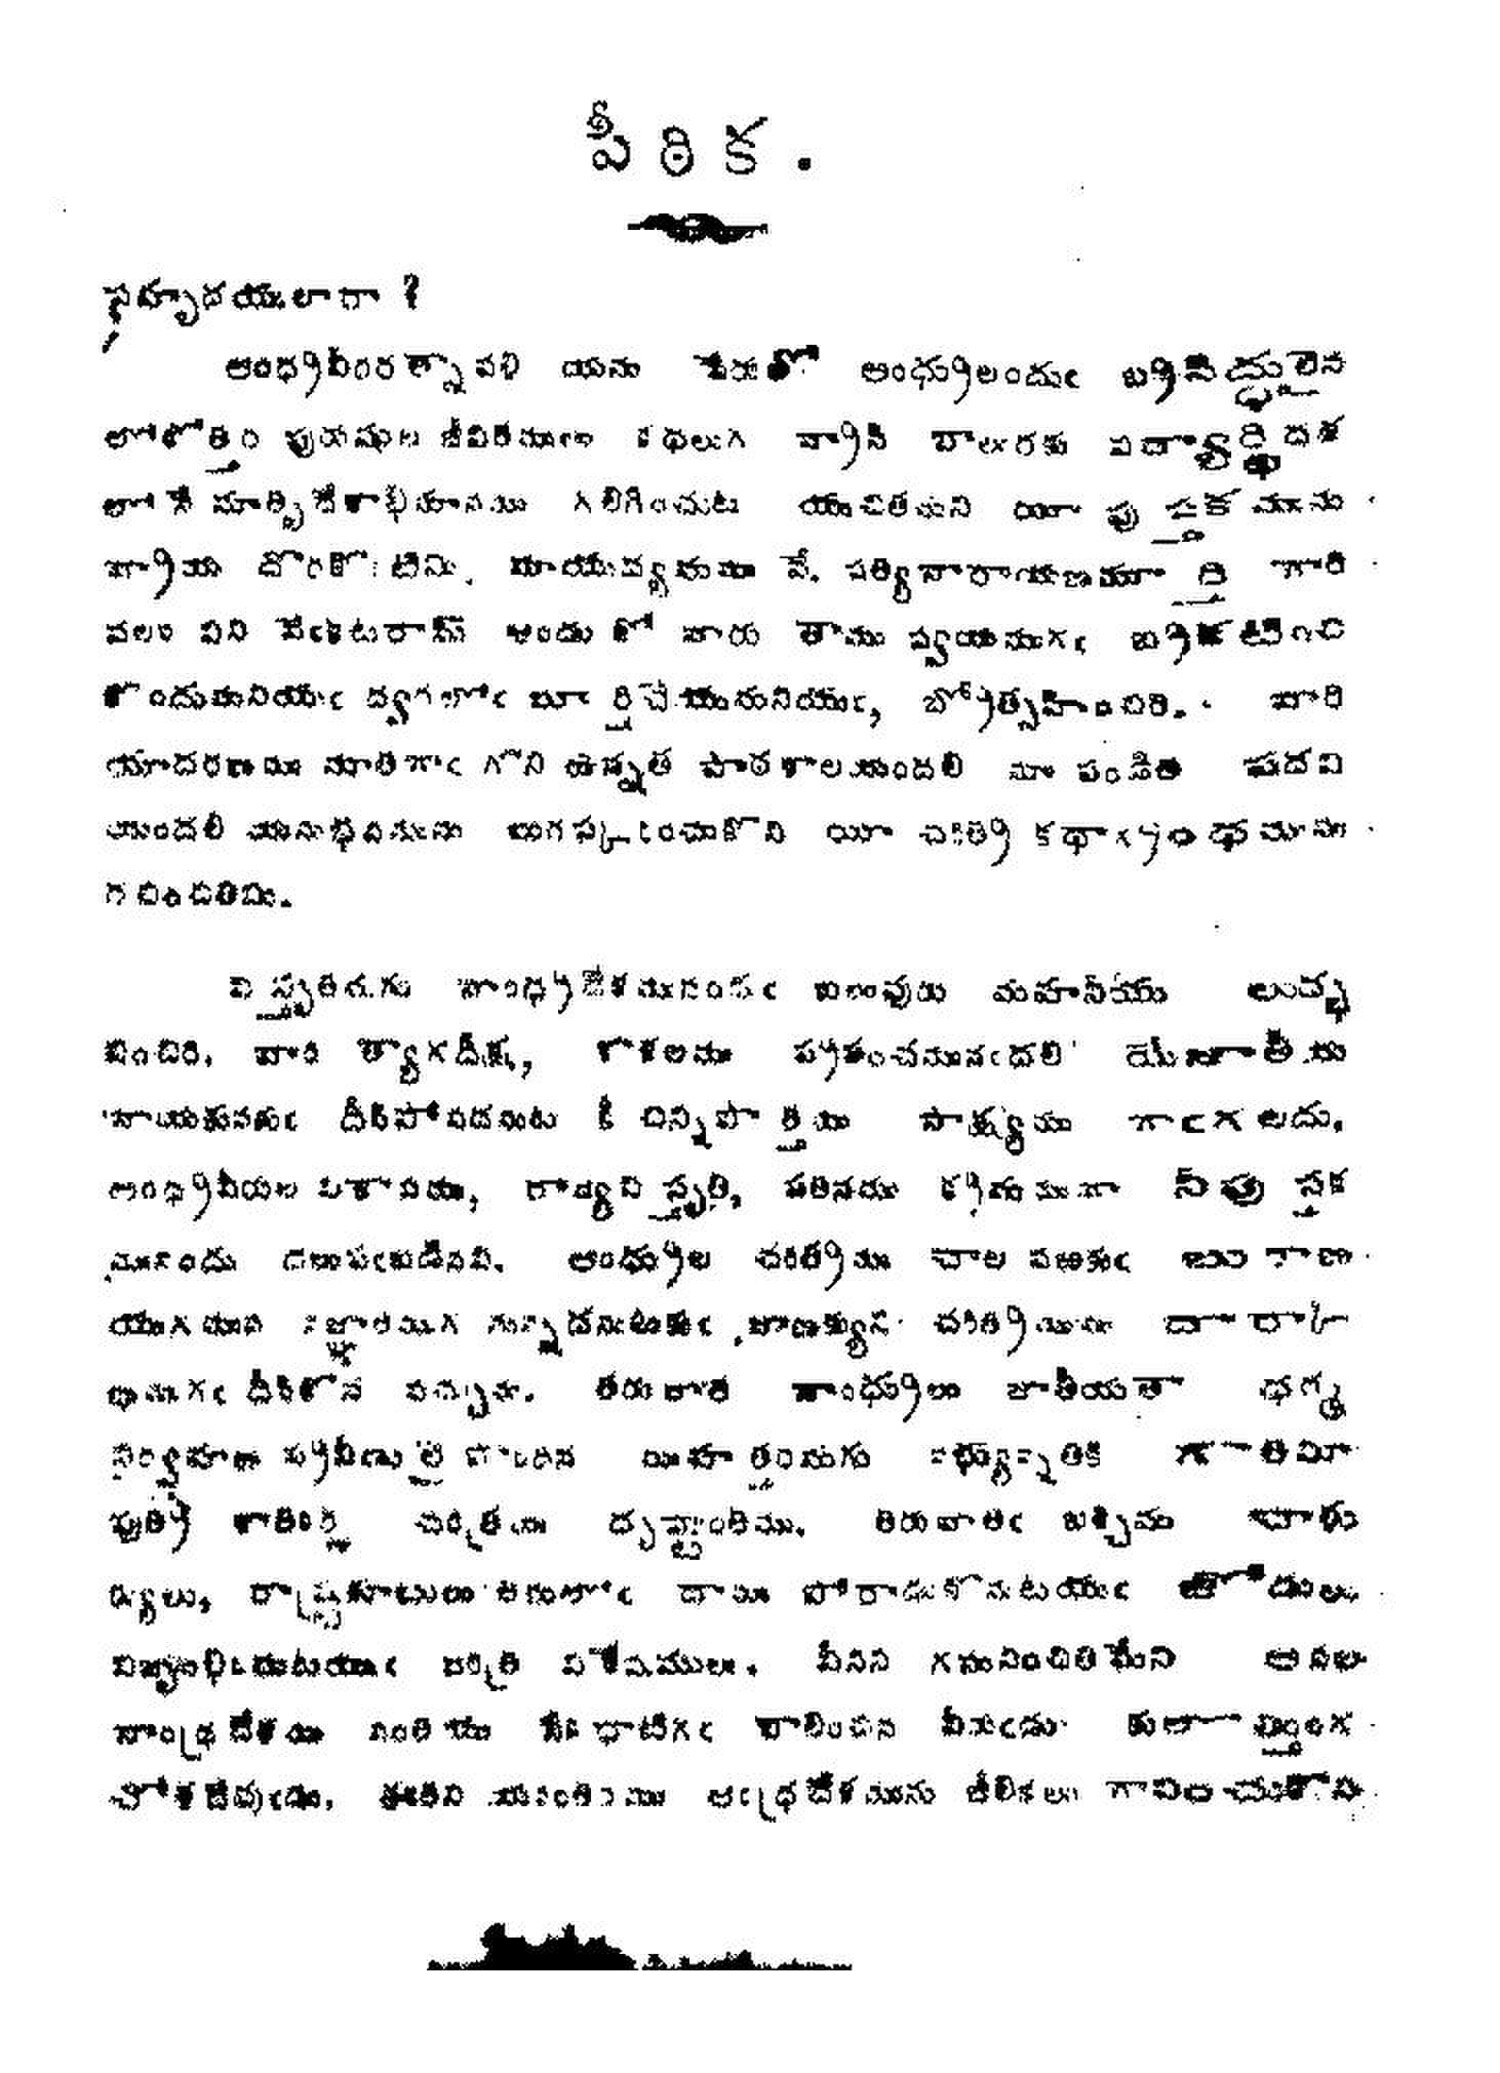సహృదయులారా ?

ఆంధ్రవీరరత్నావళి యను పేరుతో ఆంధ్రులందు బ్రసిద్ధులైన లోకోత్తర పురుషుల జీవితములు కథలుగ వ్రాసి బాలురకు పద్యార్థిదశలోనే మాతృదేశాభిమానము గలిగించుట యుచితమని యీ పుస్తకమును వ్రాయ దొరకొంటిమి. మాయుద్యమము వే. సత్యనారాయణమూర్తి గారి వలన విని వేంకటరాం అండుకో వారు తాము స్వయముగ బ్రకటించి కొందుమనియు ద్వరలో బూర్తిచేయుమనియు, బ్రోత్సహించిరి. వారి యాదరణము నూతగా గొని ఉన్నత పాఠశాలయందలి మా పండిత పదవి యందలి యనుభవమును బురస్కరించుకొని యీ చరిత్ర కథాగ్రంథమును రచించితిమి.

విస్తృతమగు నాంధ్రదేశమునందు బలువురు మహనీయు లుద్భవించిరి. వారి త్యాగదీక్ష, కౌశలము ప్రపంచమునందలి యేజాతీయ నాయకునకు దీసిపోవదనుట కీ చిన్నిపొత్తము సాక్ష్యము గాగలదు. ఆంధ్రవీరుల వికాసము, రాజ్యవిస్తృతి. పతనము క్రమముగా నీపుస్తకమునందు దెలుపబడినవి. ఆంధ్రుల చరిత్రము చాల వఱకు బురాణ యుగమున నజ్ఞాతముగ గున్నదనుటకు జాణక్యుని చరిత్రమును దార్కాణముగ దీసికొన వచ్చును. తరువాత నాంధ్రులు జాతీయతా ధర్మ నిర్వహణ ప్రవీణులై పొందిన మహత్తరమగు నభ్యున్నతికి గౌతమీపుత్ర శాతకర్ణి చరిత్రము దృష్టాంతము. తరువాత బశ్చిమ చాళుక్యులు, రాష్ట్రకూటులు తమలో దాము పోరాడుకొనుటయు జోడులు విజృంభించుటయు జరిత్ర విశేషములు. వీనిని గమనించితిమేని అసల నాంధ్రదేశము నంతయు నేకధాటిగ బాలించిన వీరుడు కులోత్తుంగ ఛోళదేవుడు. ఈతని యనంతరము ఆంధ్రదేశమును జీలికలు గావించుకొని